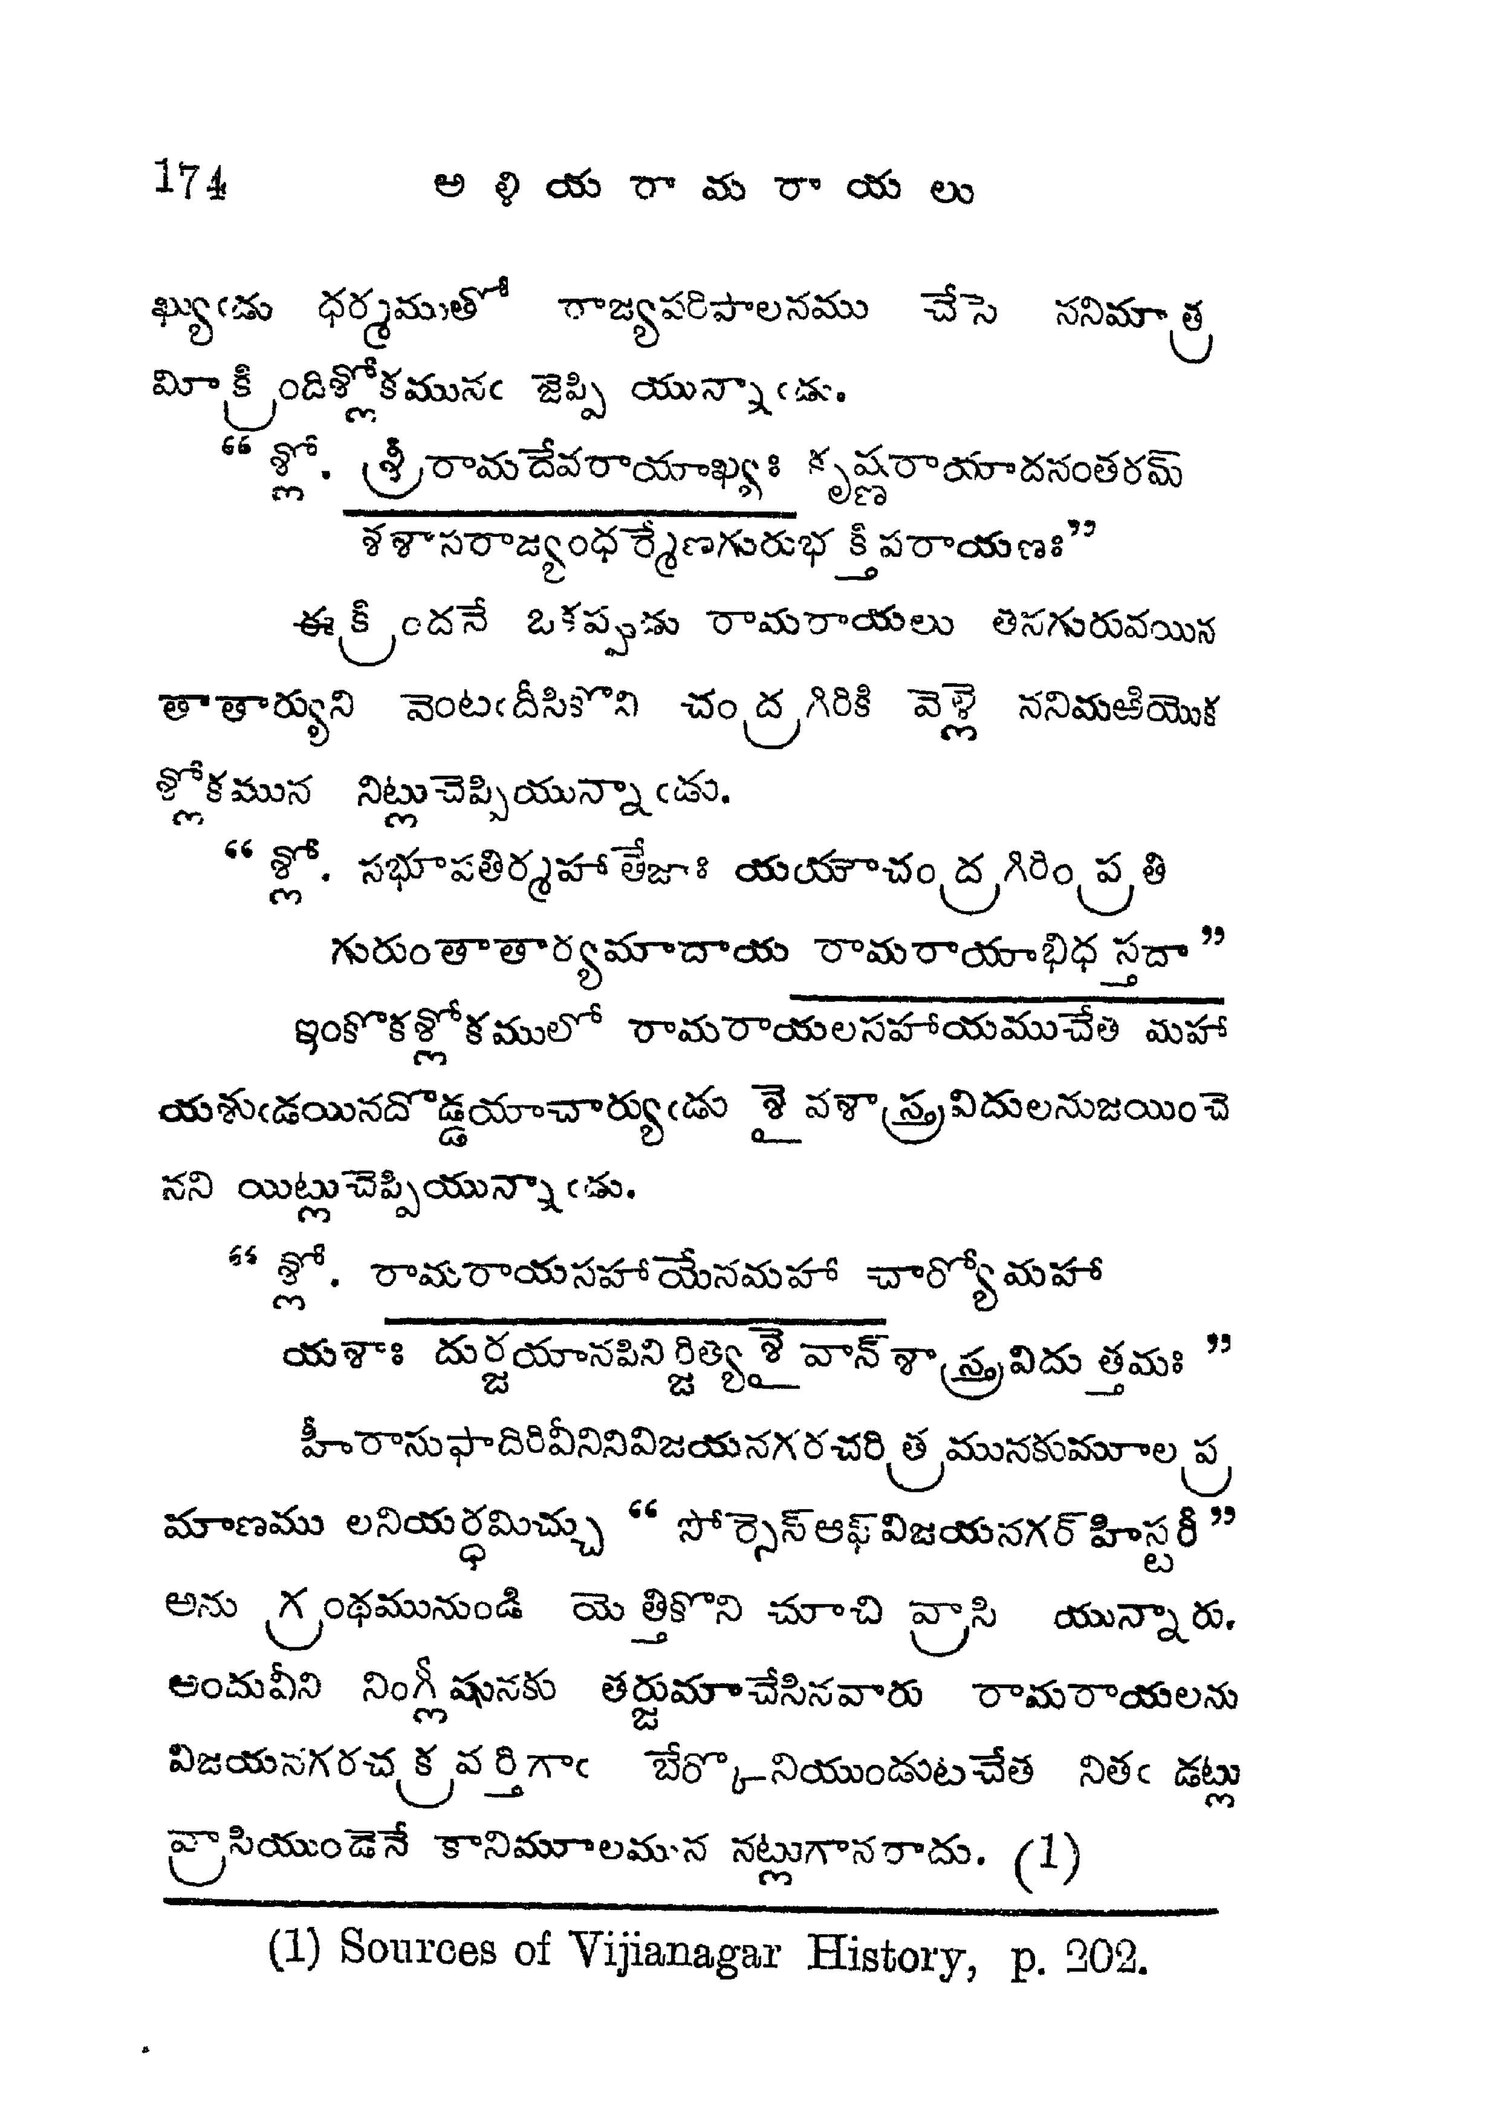ఖ్యుడు ధర్మముతో రాజ్యపరిపాలనము చేసె ననిమాత్ర మీక్రిందిశ్లోకమున జెప్పి యున్నాడు.

 "శ్లో. శ్రీరామదేవరాయాఖ్య: కృష్ణరాయాదనంతరమ్
 శశాసరాజ్యంధర్మేణగురుభక్తిపరాయణ:"

ఈక్రిందనే ఒకప్పుడు రామరాయలు తనగురువయిన తాతార్యుని వెంటదీసికొని చంద్రగిరికి వెళ్లె ననిమఱియొక శ్లోకమున నిట్లుచెప్పియున్నాడు.

 "శ్లో. సభూపతిర్మహాతేజా: యయౌచంద్రగిరింప్రతి
 గురుంతాతార్యమాదాయ రామరాయాభిధస్తదా"

ఇంకొకశ్లోకములో రామరాయలసహాయముచేత మహాయశుడయిన దొడ్డయాచార్యుడు శైవశాస్త్రవిదులను జయించెనని యిట్లుచెప్పియున్నాడు.

 "శ్లో. రామరాయసహాయేనమహా చార్యోమహా
 యశా: దుర్జయానపినిర్జిత్యశైవాన్‌శాస్త్రవిదుత్తమ:"

హీరాసుఫాదిరి వీనిని విజయనగరచరిత్రమునకు మూలప్రమాణము లనియర్ధమిచ్చు "సోర్సెస్‌ ఆఫ్ విజయనగర్‌ హిస్టరీ" అను గ్రంథమునుండి యెత్తికొని చూచి వ్రాసి యున్నారు. అందువీని నింగ్లీషునకు తర్జుమాచేసినవారు రామరాయలను విజయనగరచక్రవర్తిగా బేర్కొనియుండుటచేత నిత డట్లు వ్రాసియుండెనే కానిమూలమున నట్లుగానరాదు.